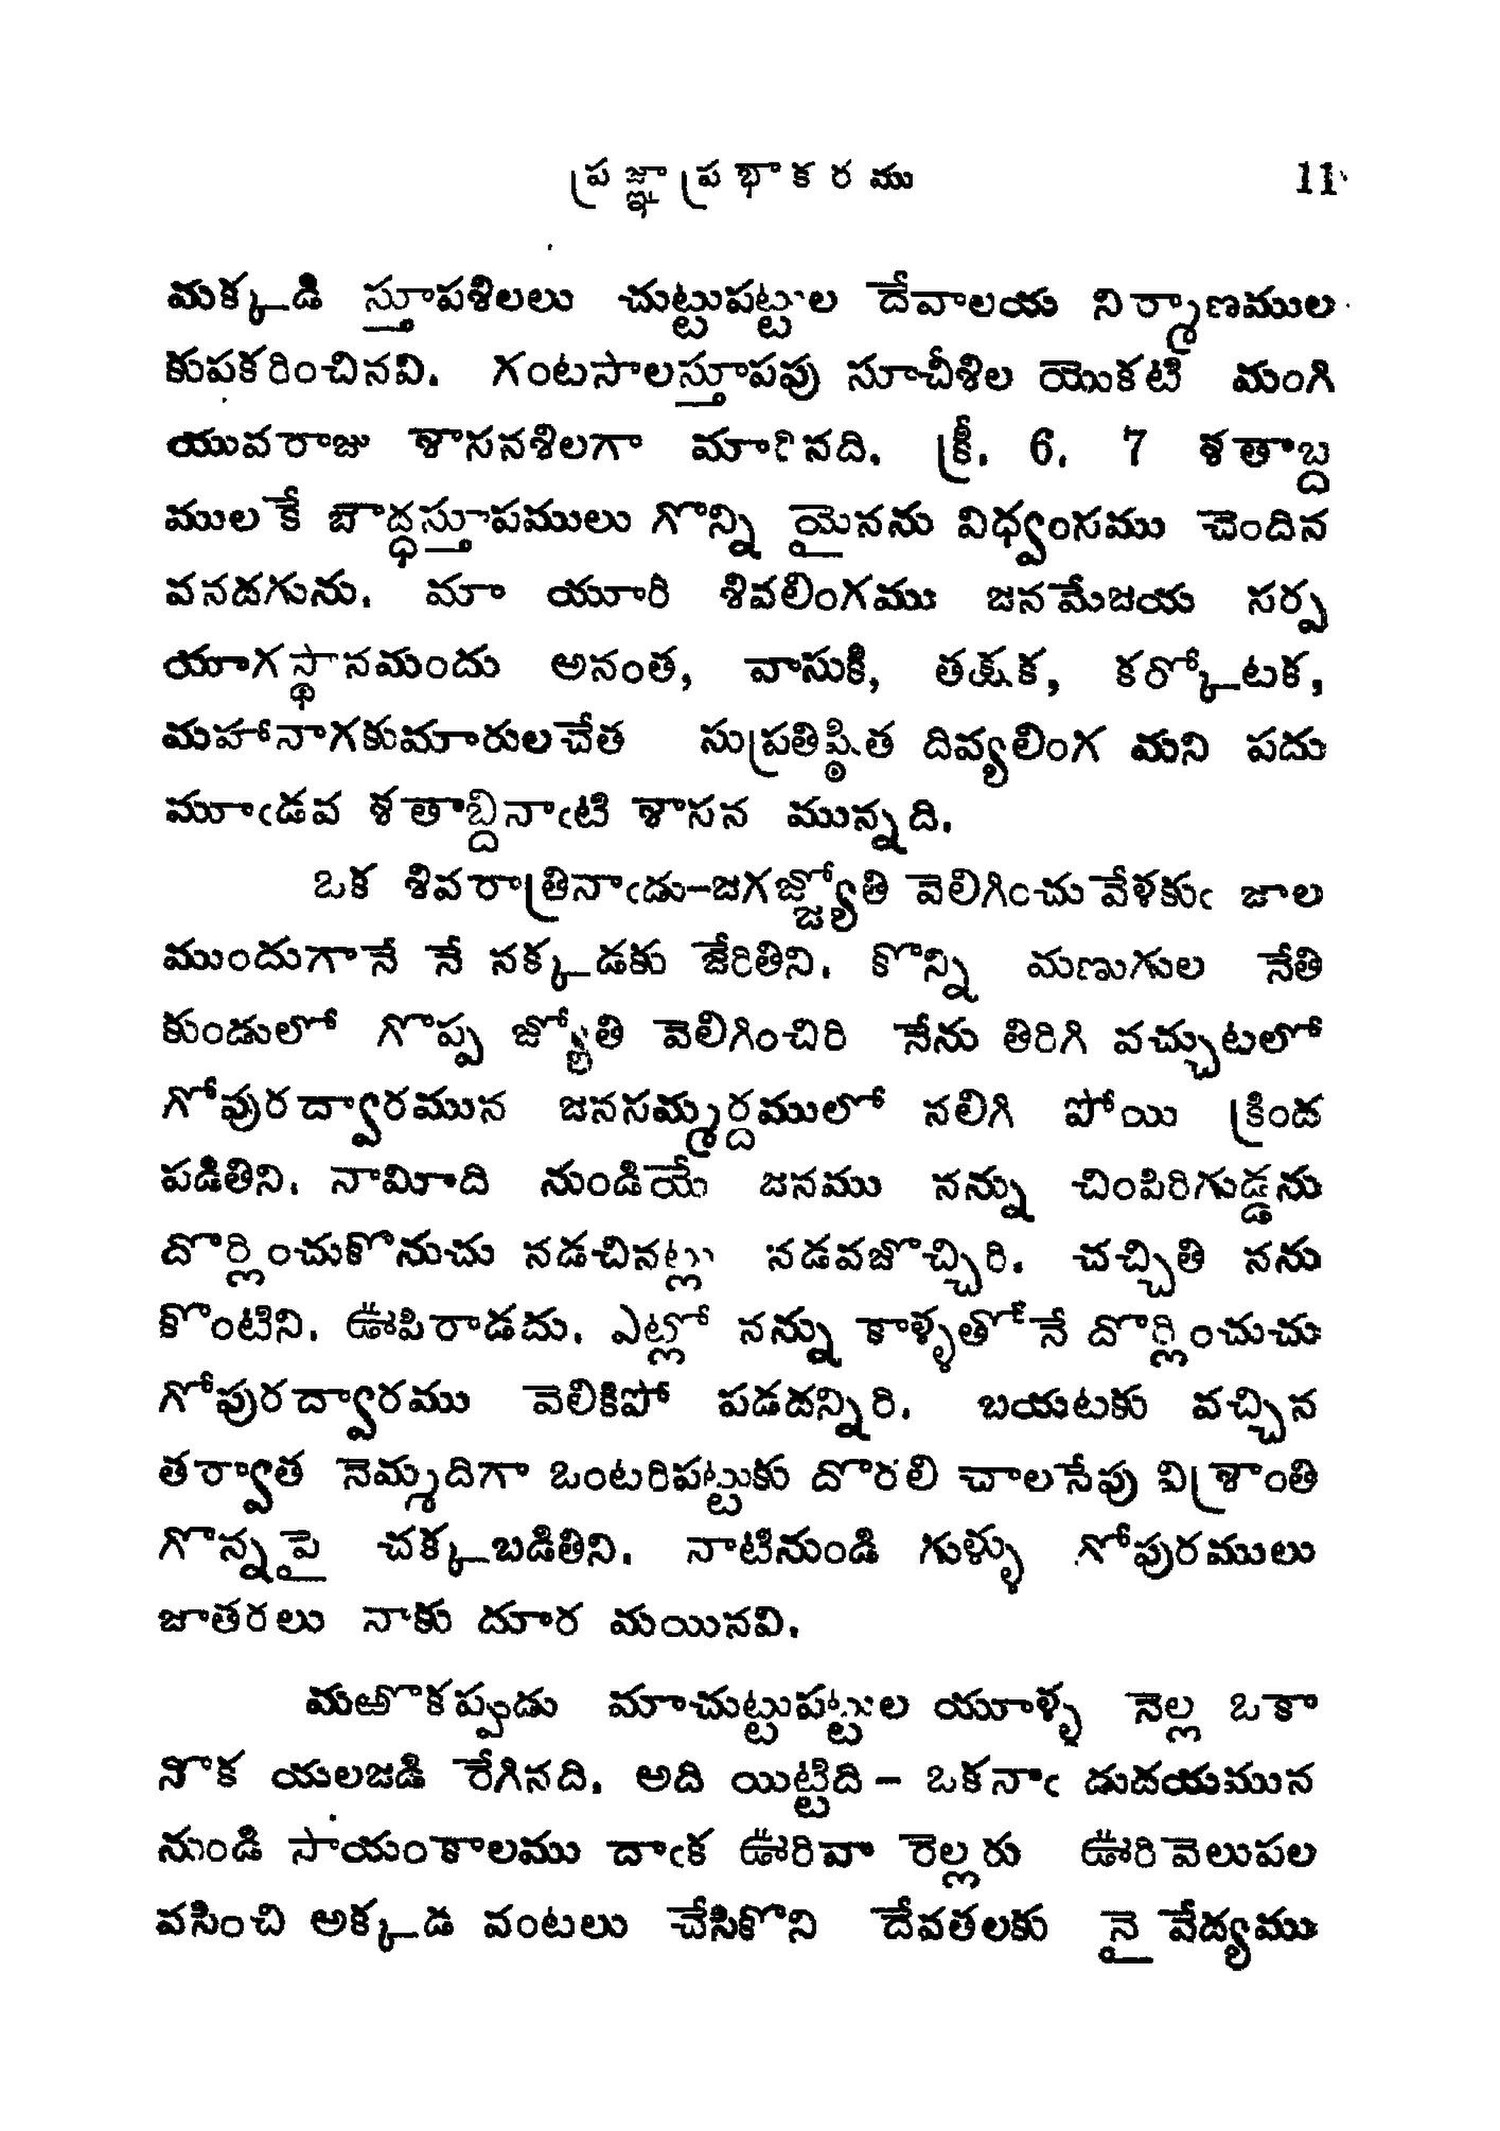మక్కడి స్తూప శిలలు చుట్టుపట్టుల దేవాలయ నిర్మాణముల గంటసాల స్తూపపు సూచిశిల యొకటి మంగి యువరాజు శాసనశిలగా మారినది. క్రీ. శ. 6,7 శ తాబ్దములకే బౌహద్ద్ స్తూపములు గొన్ని యైనను విద్వంసము చెందిన వనదగును. మా యూరి శివలింగంము జనమేజయ సర్పయాగస్దానమందు అనంత, వాసుకి, తక్షక కర్కోటక, మహానాగ కుమారుల చేత సుప్రతిష్ఠిత దివ్యలింగ మని పదు మూఁడువ శతాబ్ది నాఁ టి శాసన మున్నది.
 
ఒక శివరాత్రి నాఁడు జగజ్జ్యోతి వెలిగించు వేళకుఁ జాల ముందుగానే నే నక్కడకు జేరితిని. కొన్ని మణుగుల నేతి కుండులో గొప్ప జ్యోతి వెలిగించిరి. నేను తిరిగి వచ్చుటలో గోపుర ద్వారమున జనసమ్మర్దములో నలిగి పోయి క్రింది పడితిని. మా మిద నుండి యే జనము నన్ను చింపరిగుడ్డను దొర్లించుకొనుచు నడచినట్లు నడవజొచ్చిరి. చచ్చితి నను కొంటిని. ఊపిరాడదు ఎట్లో నన్ను కాళ్ళతోనే దొర్లించుచు గోపుర ద్వారము వెలికిపో పడదన్నిరి. బయటకు వచ్చిన తర్వాత నెమ్మదిగా ఒంటరిపట్టుకు దొరలి చాలాసేపు విశ్రాంతి గోన్నపై చక్క బడతిని. నాటినుండి గుళ్ళు గోపురములు జాతరలు నాకు దూరమయినవి.
 
మఱొకప్పుడు మా చుట్టుపట్టుల యూళ్ళ నెల్ల ఒకానొక యలజడి రేగినది. అది యిట్టిది- ఒక నాఁ డుదయమున నుండి సాయంకాలము దాఁక ఊరివా రెల్లరు ఊరి వెలుపల వసించి అక్కడ వంటలు చేసికొని దేవతలకు నైవేద్యము